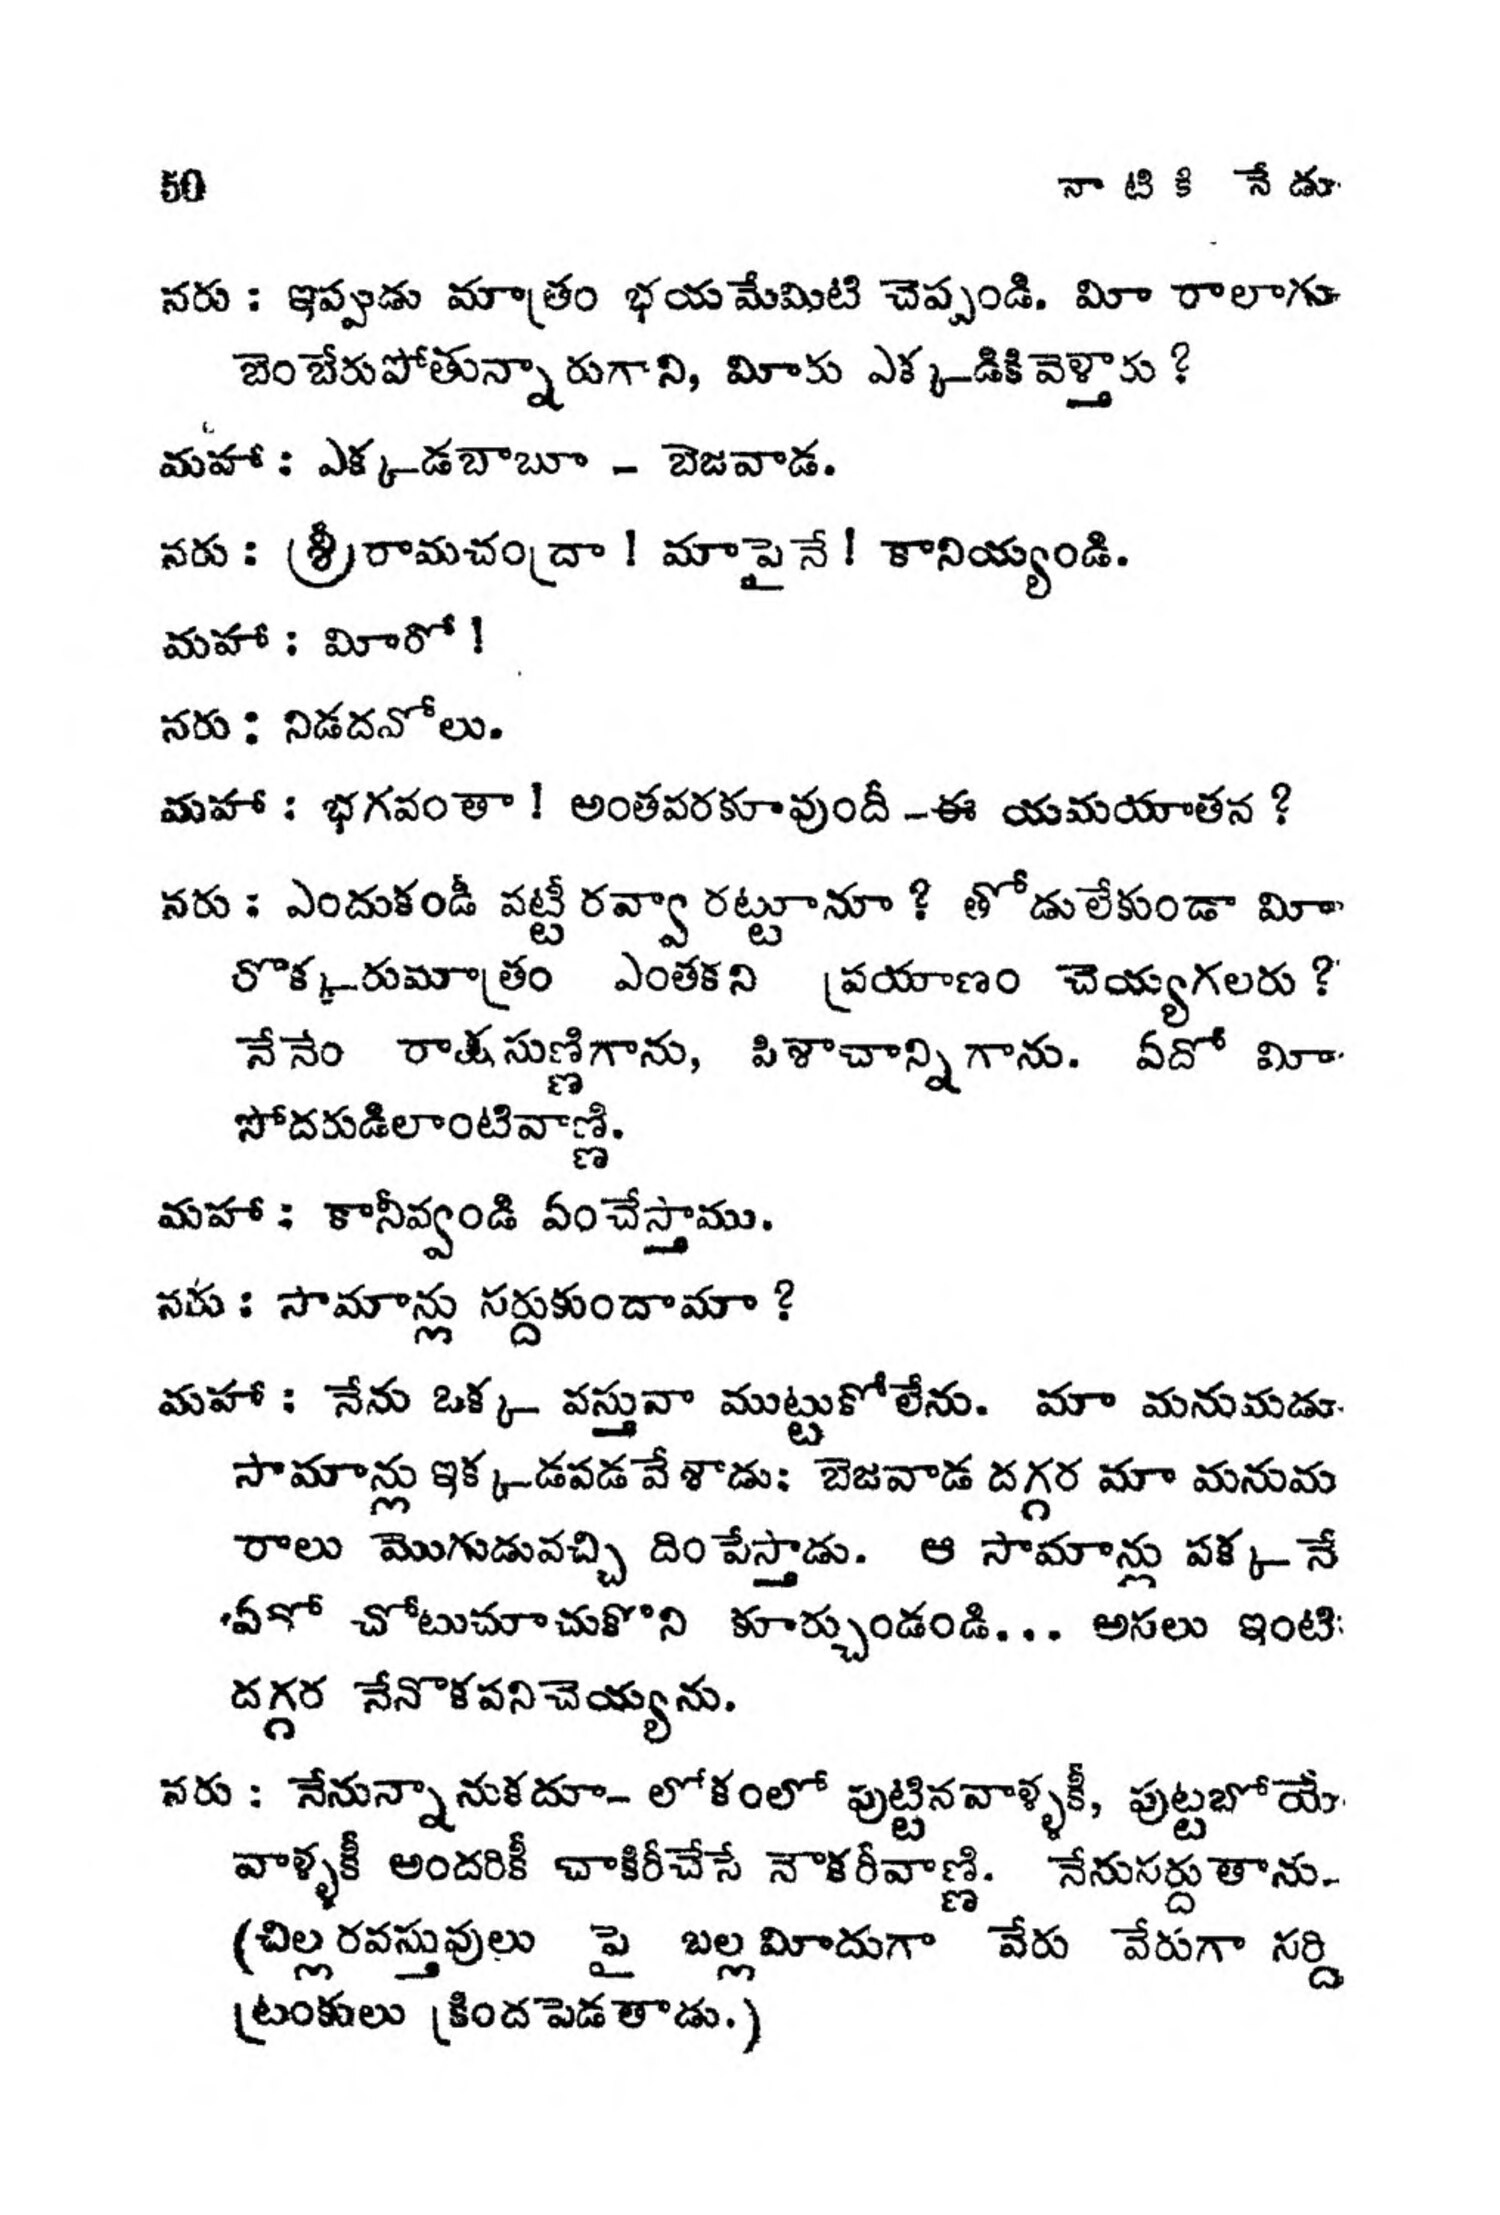నరు : ఇప్పుడు మాత్రం భయమేమిటి చెప్పండి. మీ రాలాగు బెంబేరుపోతున్నారుగాని, మీరు ఎక్కడికివెళ్తారు ?

మహా : ఎక్కడబాబూ - బెజవాడ.

నరు : శ్రీరామచంద్రా ! మాపైనే! కానియ్యండి.

మహా : మీరో !

నరు : నిడదవోలు.

మహా : భగవంతా! అంతవరకూవుందీ - ఈ యమయాతన ?

నరు : ఎందుకండీ వట్టీ రవ్వా రట్టూనూ? తోడులేకుండా మీరొక్కరుమాత్రం ఎంతకని ప్రయాణం చెయ్యగలరు? నేనేం రాక్షసుణ్ణిగాను, పిశాచాన్నిగాను. ఏదో మీ సోదరుడిలాంటివాణ్ణి.

మహా : కానీవ్వండి ఏంచేస్తాము.

సరు : సామాన్లు సర్దుకుందామా ?

మహా : నేను ఒక్క వస్తువా ముట్టుకోలేను. మా మనుమడు సామాన్లు ఇక్కడపడవేశాడు బెజవాడ దగ్గర మా మనుమరాలు మొగుడువచ్చి దింపేస్తాడు. ఆ సామాన్లు పక్కనే ఏదో చోటుచూచుకొని కూర్చుండండి... అసలు ఇంటి
దగ్గర నేనొకపనిచెయ్యను.

నరు : నేనున్నానుకదూ – లోకంలో పుట్టినవాళ్ళకీ, పుట్టబోయేవాళ్ళకీ అందరికీ చాకిరీచేసే నౌకరీవాణ్ణి. నేనుసర్దుతాను.
(చిల్లరవస్తువులు పై బల్లమీదుగా వేరు వేరుగా సర్ది ట్రంకులు క్రింద పెడతాడు.)